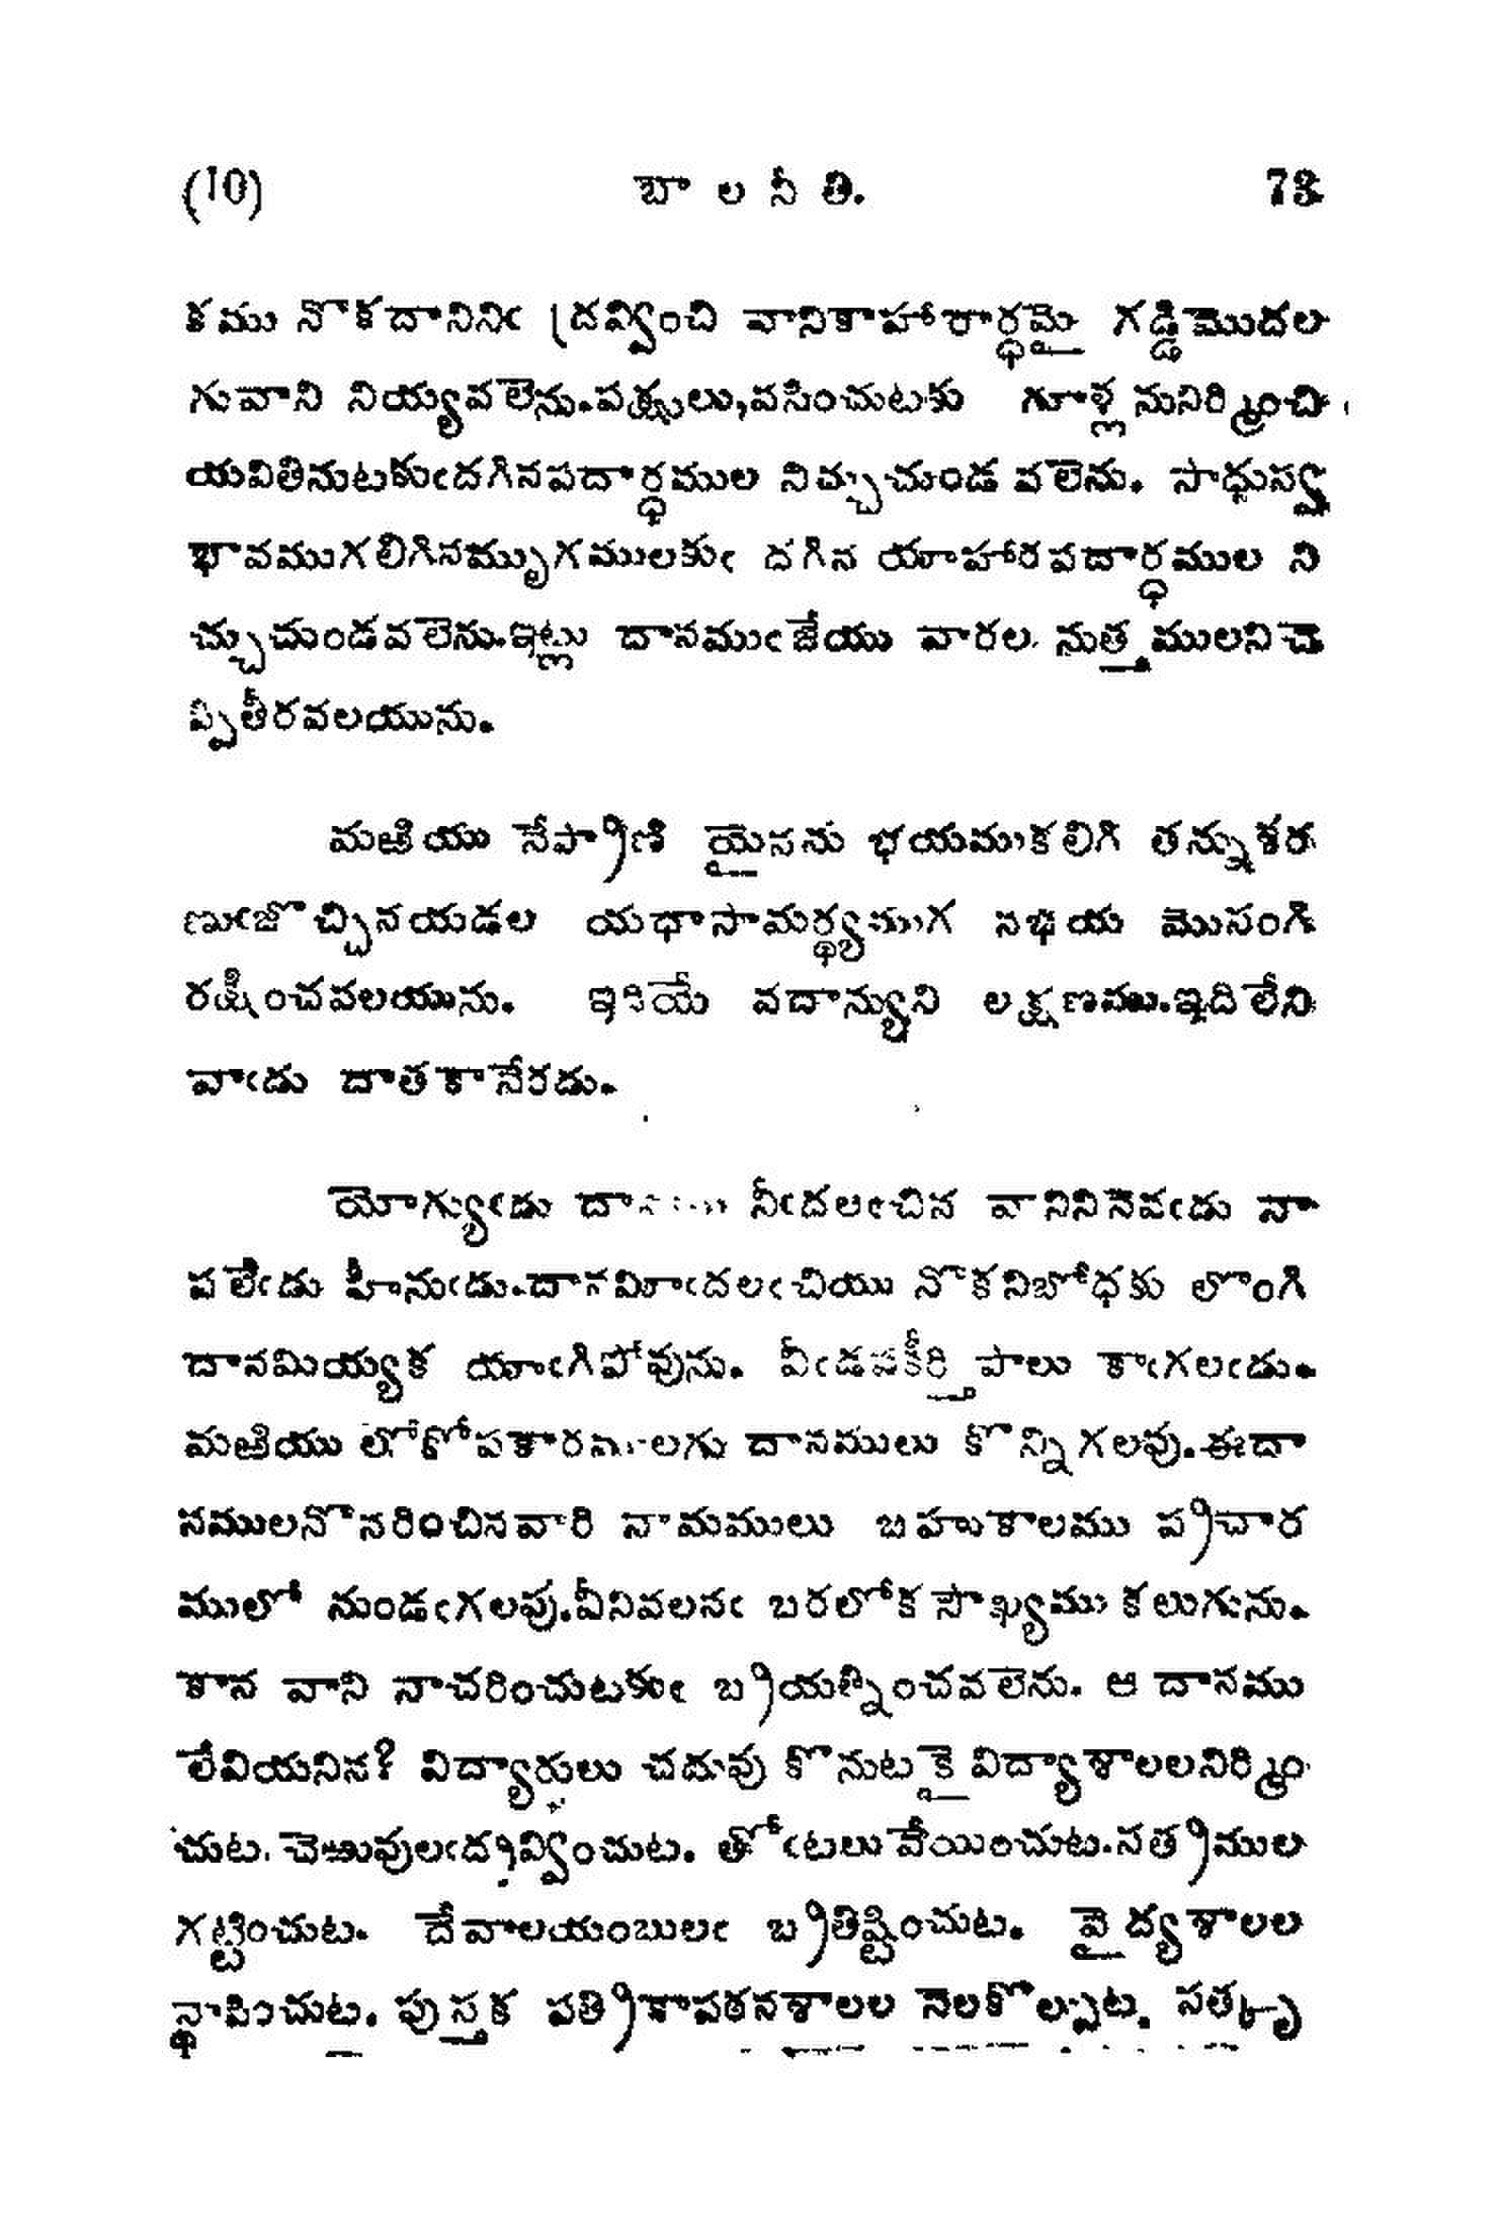కము నొకదానినిఁ ద్రవ్వించి వానికాహారార్ధమై గడ్దిమొదల
గువాని నియ్యవలెను. పక్షులు, వసించుటకు గూళ్లనునిర్మించి 
యవితినుటకుఁదగినపదార్ధముల నిచ్చుచుండ వలెను. సాధుస్వ
భావముగలిగినమృగములకుఁ దగిన యాహారపదార్ధముల ని
చ్చుచుండవలెను. ఇట్లు దానముఁజేయు వారల నుత్తములనిచె
ప్పితీరవలయును.

మఱియు నేప్రాణి యైనను భయముకలిగి తన్నుశర
ణుఁజొచ్చినయడల యధాసామర్థ్యముగ నభయ మొసంగి 
రక్షించవలయును. ఇదియే వదాన్యుని లక్షణము. ఇదిలేని 
వాఁడు దాతకానేరడు. 

యోగ్యుడు దానము నీఁదలఁచిన వానినినెవఁడు నా
పలేఁడు. హీనుఁడు దానమీఁదలఁచియు నొకనిబోధకు లొంగి
దానమియ్యక యాఁగిపోవును. వీఁడపకీర్తిపాలు కాఁగలఁడు. 
మఱియు లోకోపకారములగు దానములు కొన్నిగలవు. ఈదా
నముల నొనరించినవారి నామములు బహుకాలము ప్రచార
ములో నుండఁగలవు. వీనివలనఁ బరలోకసౌఖ్యము కలుగును. 
కాన వాని నాచరించుటకుఁ బ్రయత్నించవలెను. ఆ దానము
లేవియనిన? విద్యార్థులు చదువు కొనుటకై విద్యాశాలలు నిర్మిం
చుట, చెఱువులఁద్రవ్వించుట, తోఁటలువేయించుట, సత్రముల
గట్టించుట, దేవాలయంబులఁ బ్రతిష్టించుట, వైద్యశాలల 
స్థాపించుట, పుస్తక పత్రికాపఠనశాలల నెలకొల్పుట, సత్కృ